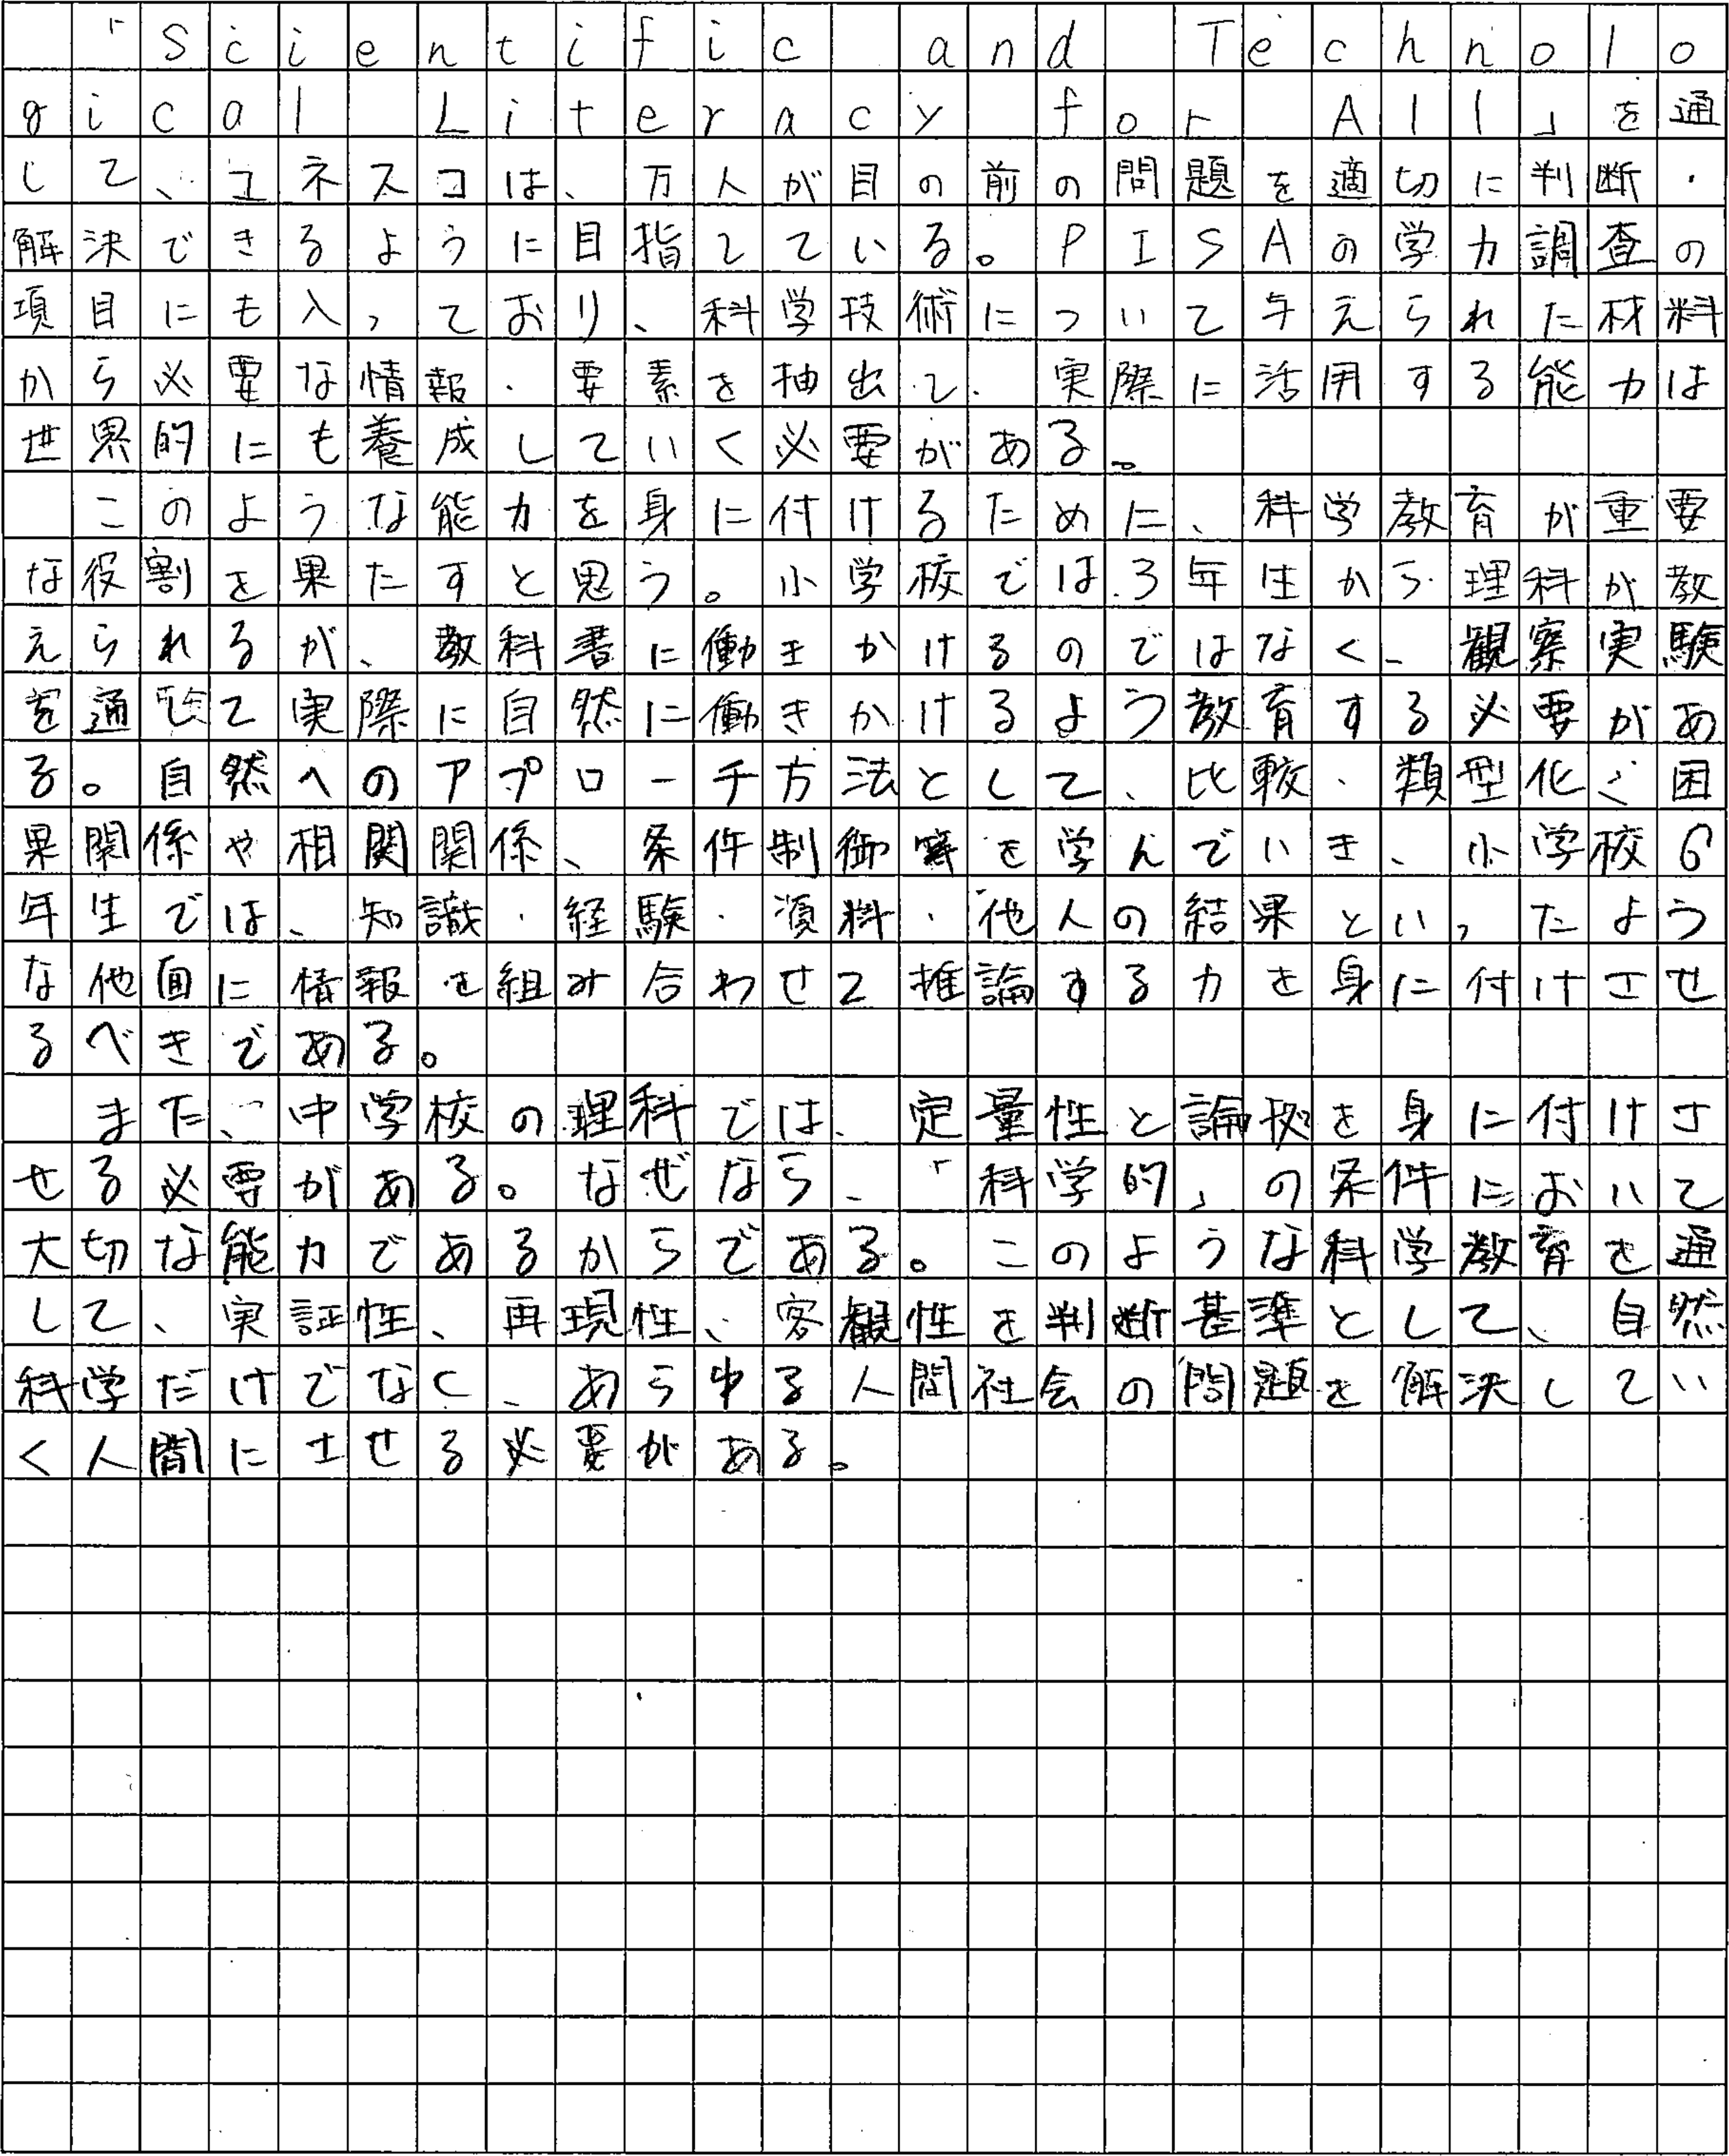　「Ｓｃｉｅｎｔｉｆｉｃ　ａｎｄ　Ｔｅｃｈｎｏｌｏｇｉｃａｌ　Ｌｉｔｅｒａｃｙ　ｆｏｒ　Ａｌｌ」を通して、ユネスコは、万人が目の前の問題を適切に判断・解決できるように目指している。ＰＩＳＡの学力調査の項目にも入っており、科学技術について与えられた材料から必要な情報・要素を抽出し、実際に活用する能力は世界的にも養成していく必要がある。
　このような能力を身に付けるために、科学教育が重要な役割を果たすと思う。小学校では３年生から理科が教えられるが、教科書に働きかけるのではなく、観察実験を通して実際に自然に働きかけるよう教育する必要がある。自然へのアプローチ方法として、比較・類型化、困果関係や相関関係、条件制御等を学んでいき、小学校６年生では、知識・経験・資料・他人の結果といったような他面に情報を組み合わせて推論する力を身に付けさせるべきである。
　また、中学校の理科では、定量性と論拠を身に付けさせる必要がある。なぜなら、「科学的」の条件において大切な能力であるからである。このような科学教育を通して、実証性、再現性、客観性を判断基準として、自然科学だけでなく、あらゆる人間社会の問題を解決していく人間にさせる必要がある。
